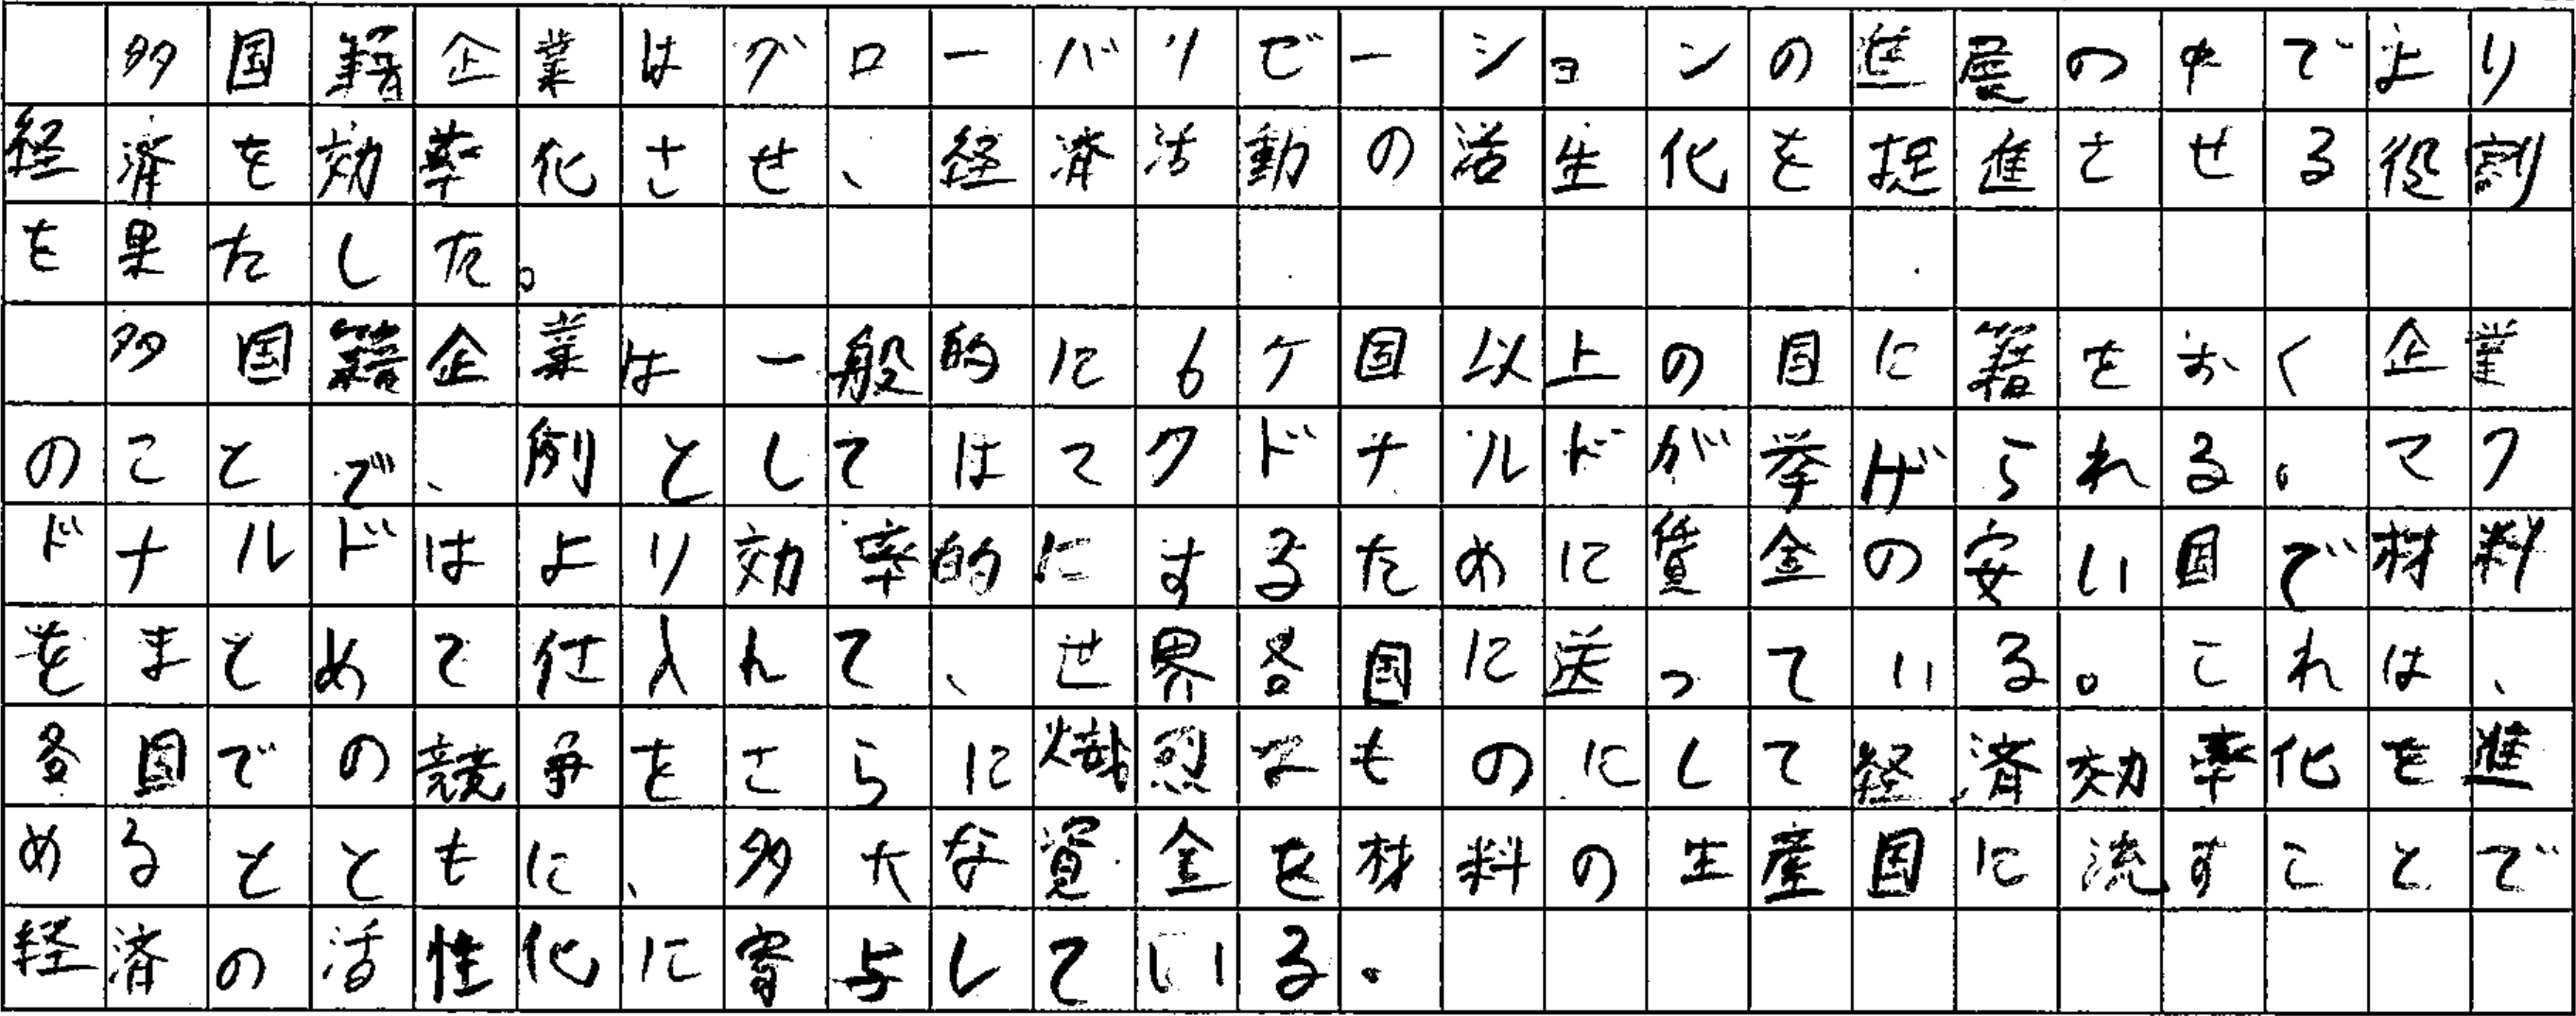　多国籍企業はグローバリゼーションの進展の中でより経済を効率化させ、経済活動の活生化を捉進させる役割を果たした。
　多国籍企業は一般的に６ヶ国以上の国に籍をおく企業のことで、例としてはマクドナルドが挙げられる。マクドナルドはより効率的にするために賃金の安い国で材料をまとめて仕入れて、世界各国に送っている。これは、各国で競争をさらに熾烈なものにして経済効率化を進めるとともに、多大な資金を材料の生産国に流すことで経済の活性化に寄与している。
